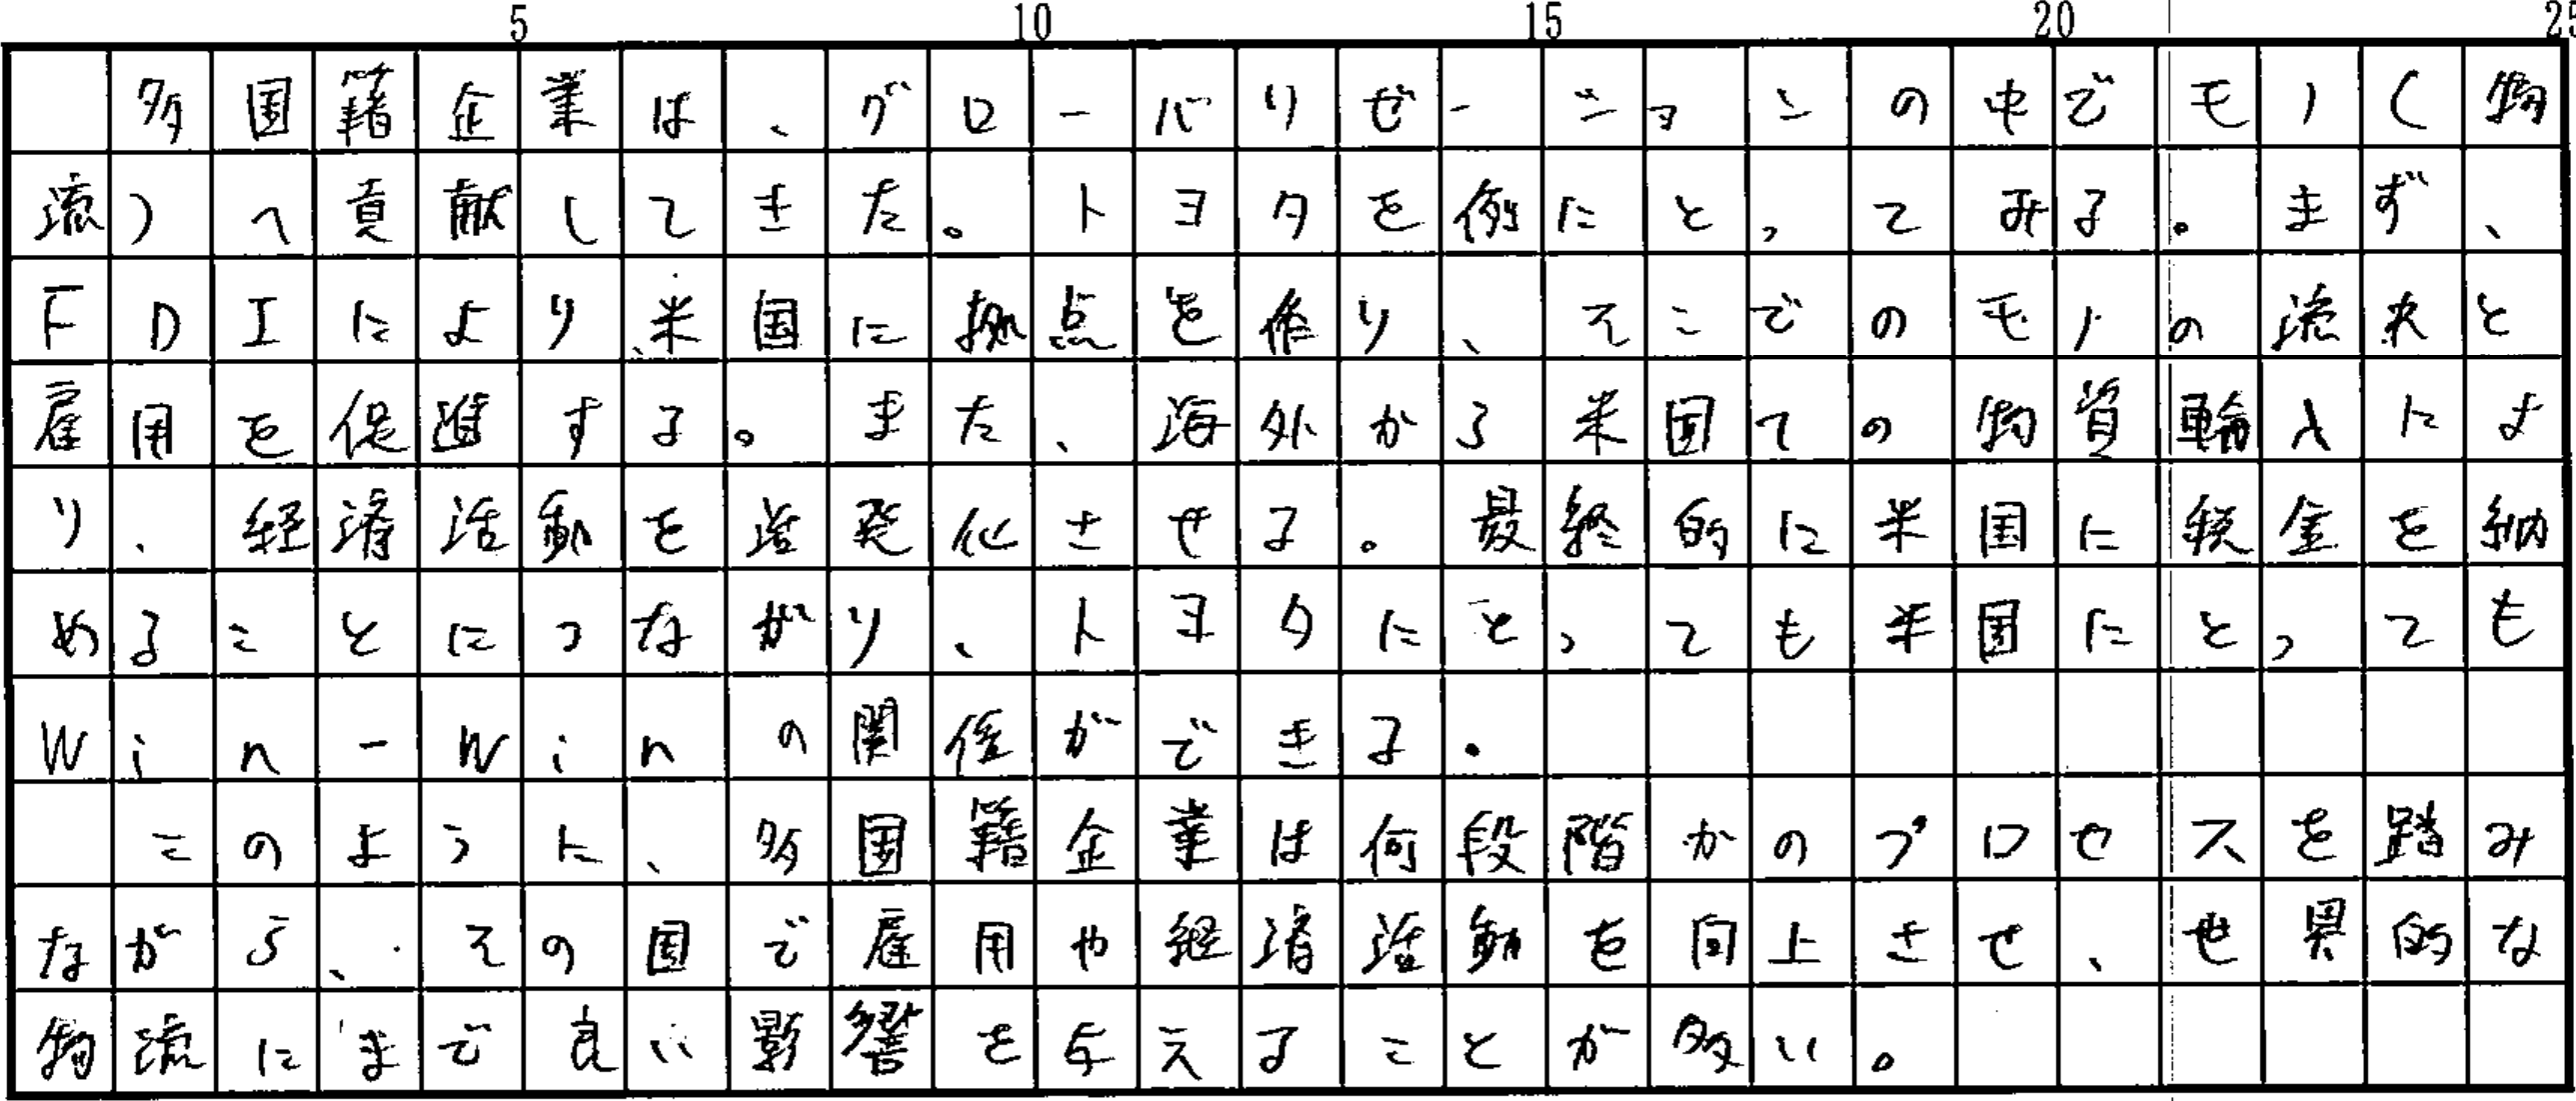　多国籍企業は、グローバリゼーションの中でモノ（物流）へ貢献してきた。トヨタを例にとってみる。まず、ＦＤＩにより米国に拠点を作り、そこでのモノの流れと雇用を促進する。また、海外から米国への物資輸入により、経済活動を活発化させる。最終的に米国に税金を納めることにつながり、トヨタにとっても米国にとってもＷｉｎ－Ｗｉｎの関係ができる。　
　このように、多国籍企業は何段階かのプロセスを踏みながら、その国で雇用や経済活動を向上させ、世界的な物流にまで良い影響を与えることが多い。
